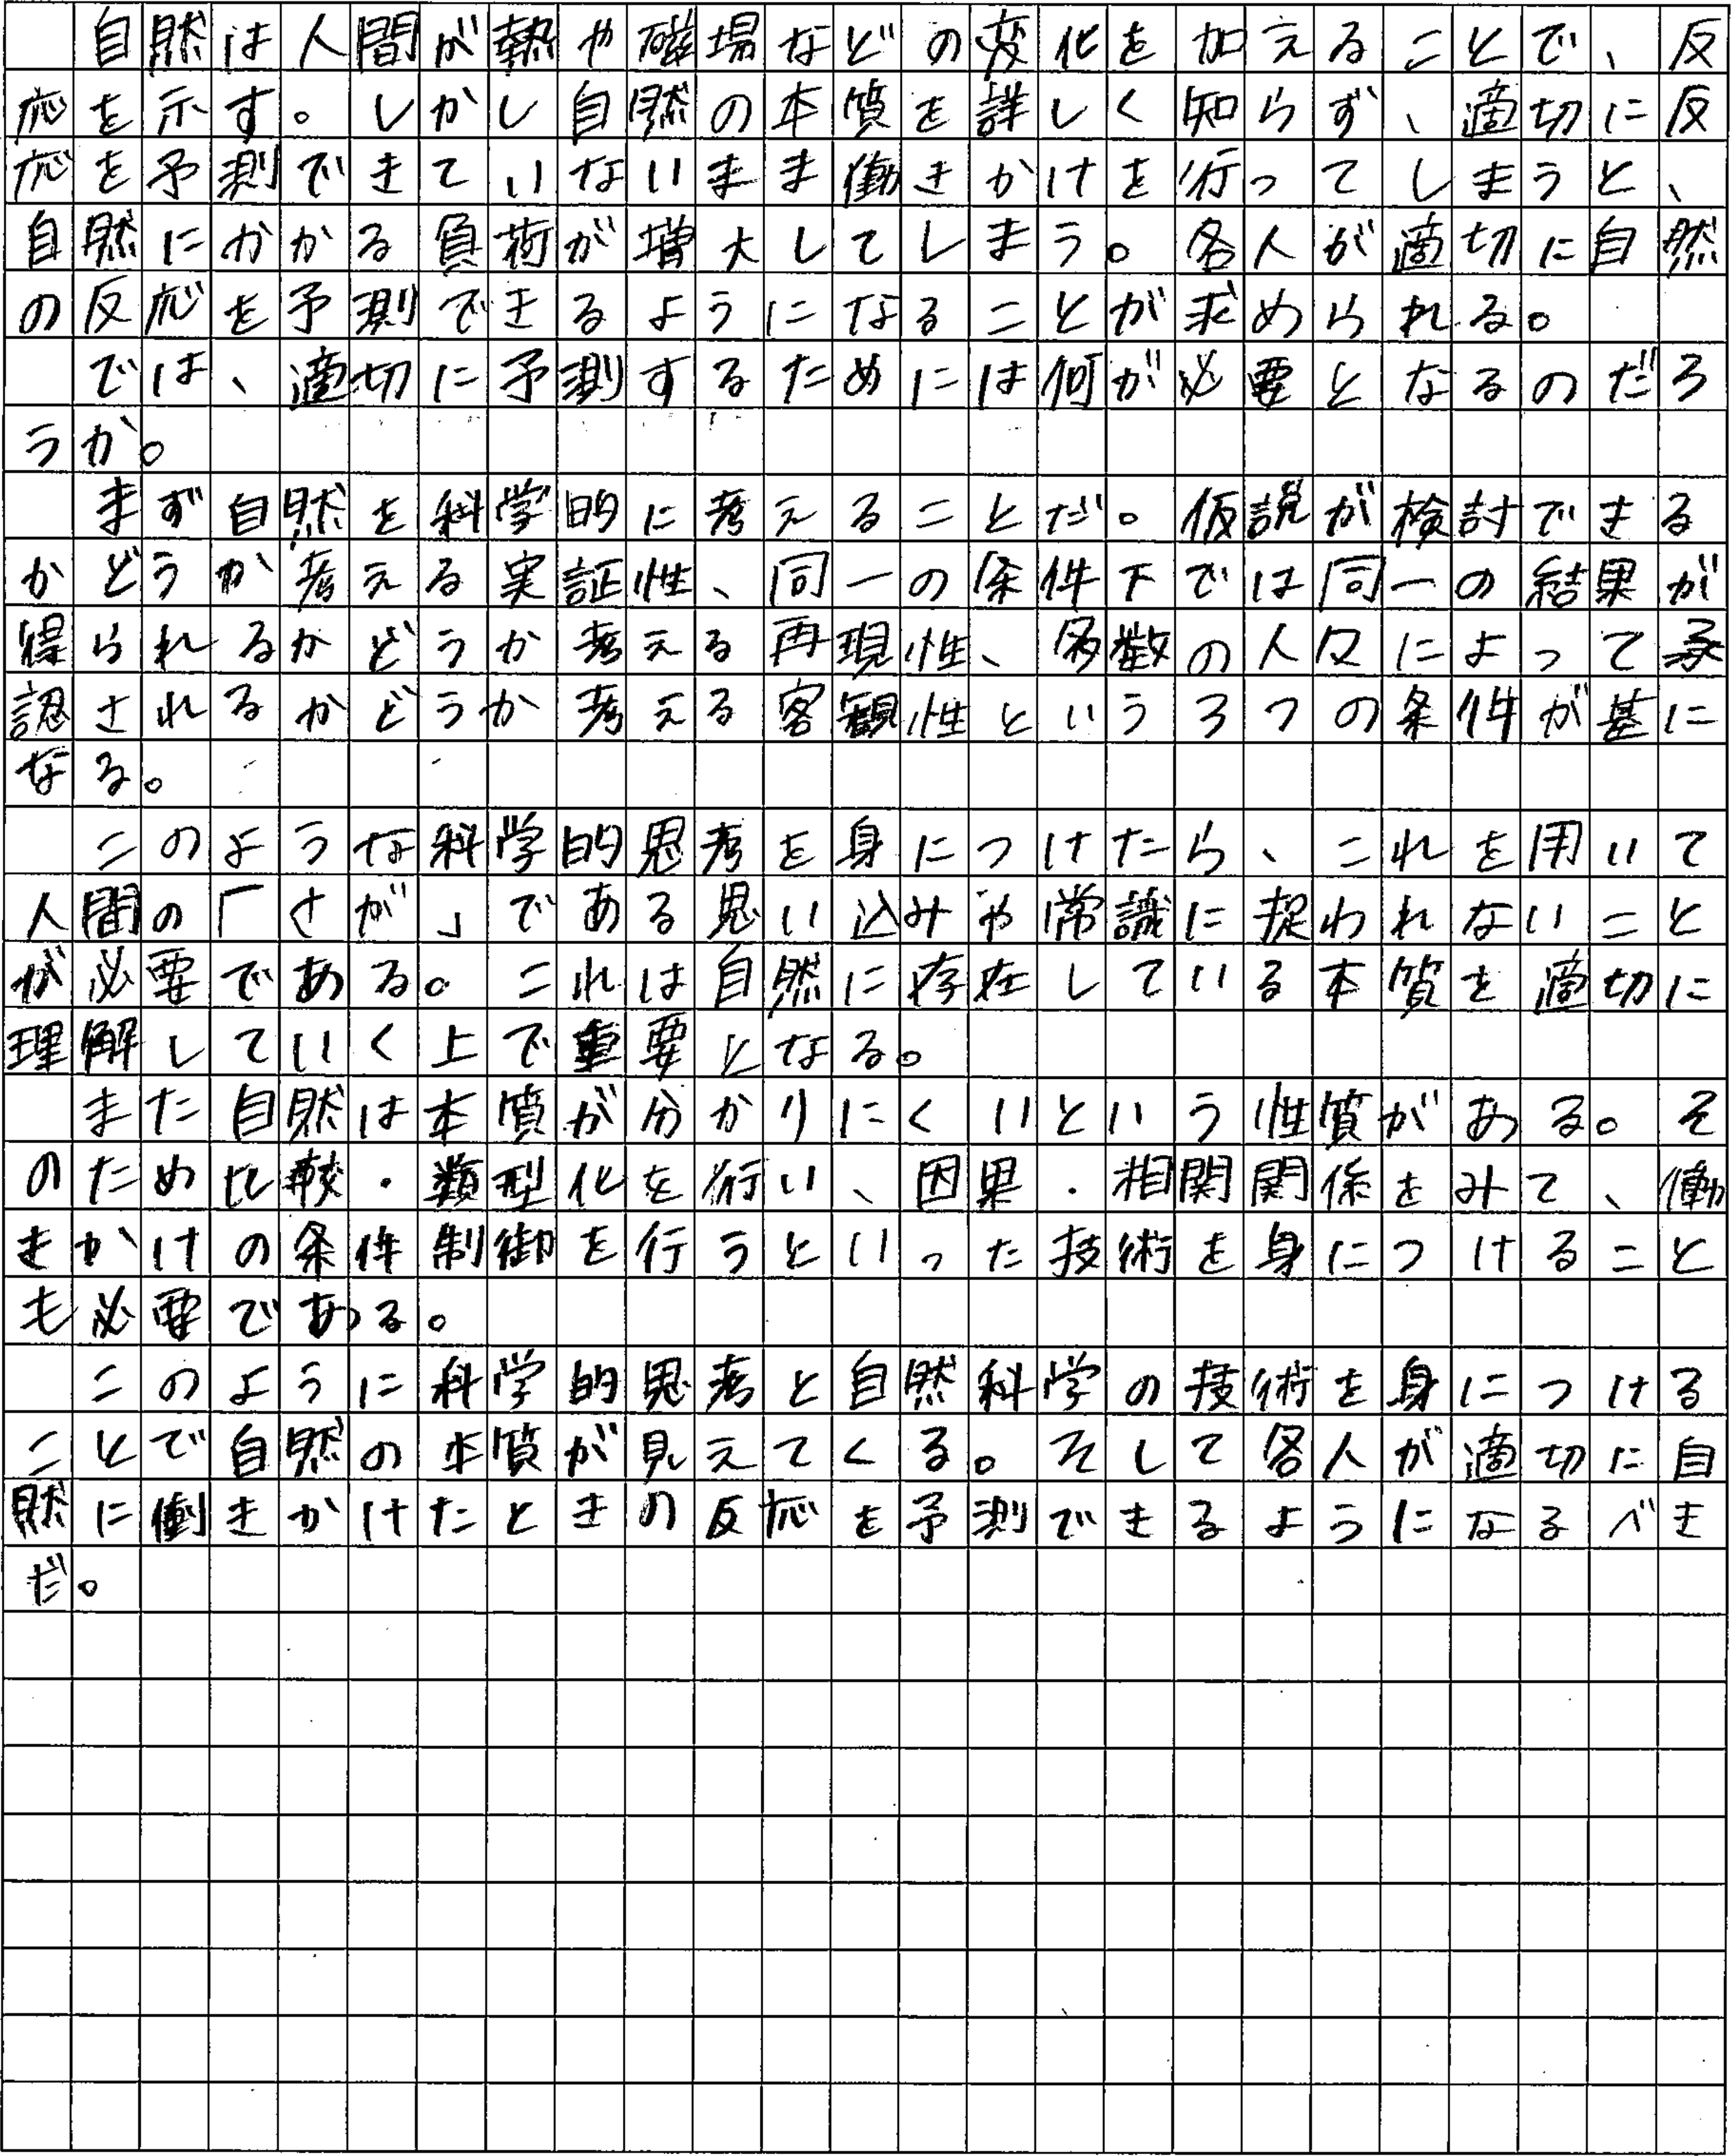　自然は人間が熱や磁場などの変化を加えることで、反応を示す。しかし自然の本質を詳しく知らず、適切に反応を予測できていないまま働きかけを行ってしまうと、自然にかかる負荷が増大してしまう。各人が適切に自然の反応を予測できるようになることが求められる。
　では、適切に予測するためには何が必要となるのだろうか。
　まず自然を科学的に考えることだ。仮説が検討できるかどうか考える実証性、同一の条件下では同一の結果が得られるかどうか考える再現性、多数の人々によって承認されるかどうか考える客観性という３つの条件が基になる。
　このような科学的思考を身につけたら、これを用いて人間の「さが」である思い込みや常識に捉われないことが必要である。これは自然に存在している本質を適切に理解していく上で重要となる。
　また自然は本質が分かりにくいという性質がある。そのため比較・類型化を行い、因果・相関関係をみて、働きかけの条件制御を行うといった技術を身につけることも必要である。
　このように科学思考と自然科学の技術を身につけることで自然の本質が見えてくる。そして各人が適切に自然に▁きかけたときの反応を予測できるようになるべきだ。
